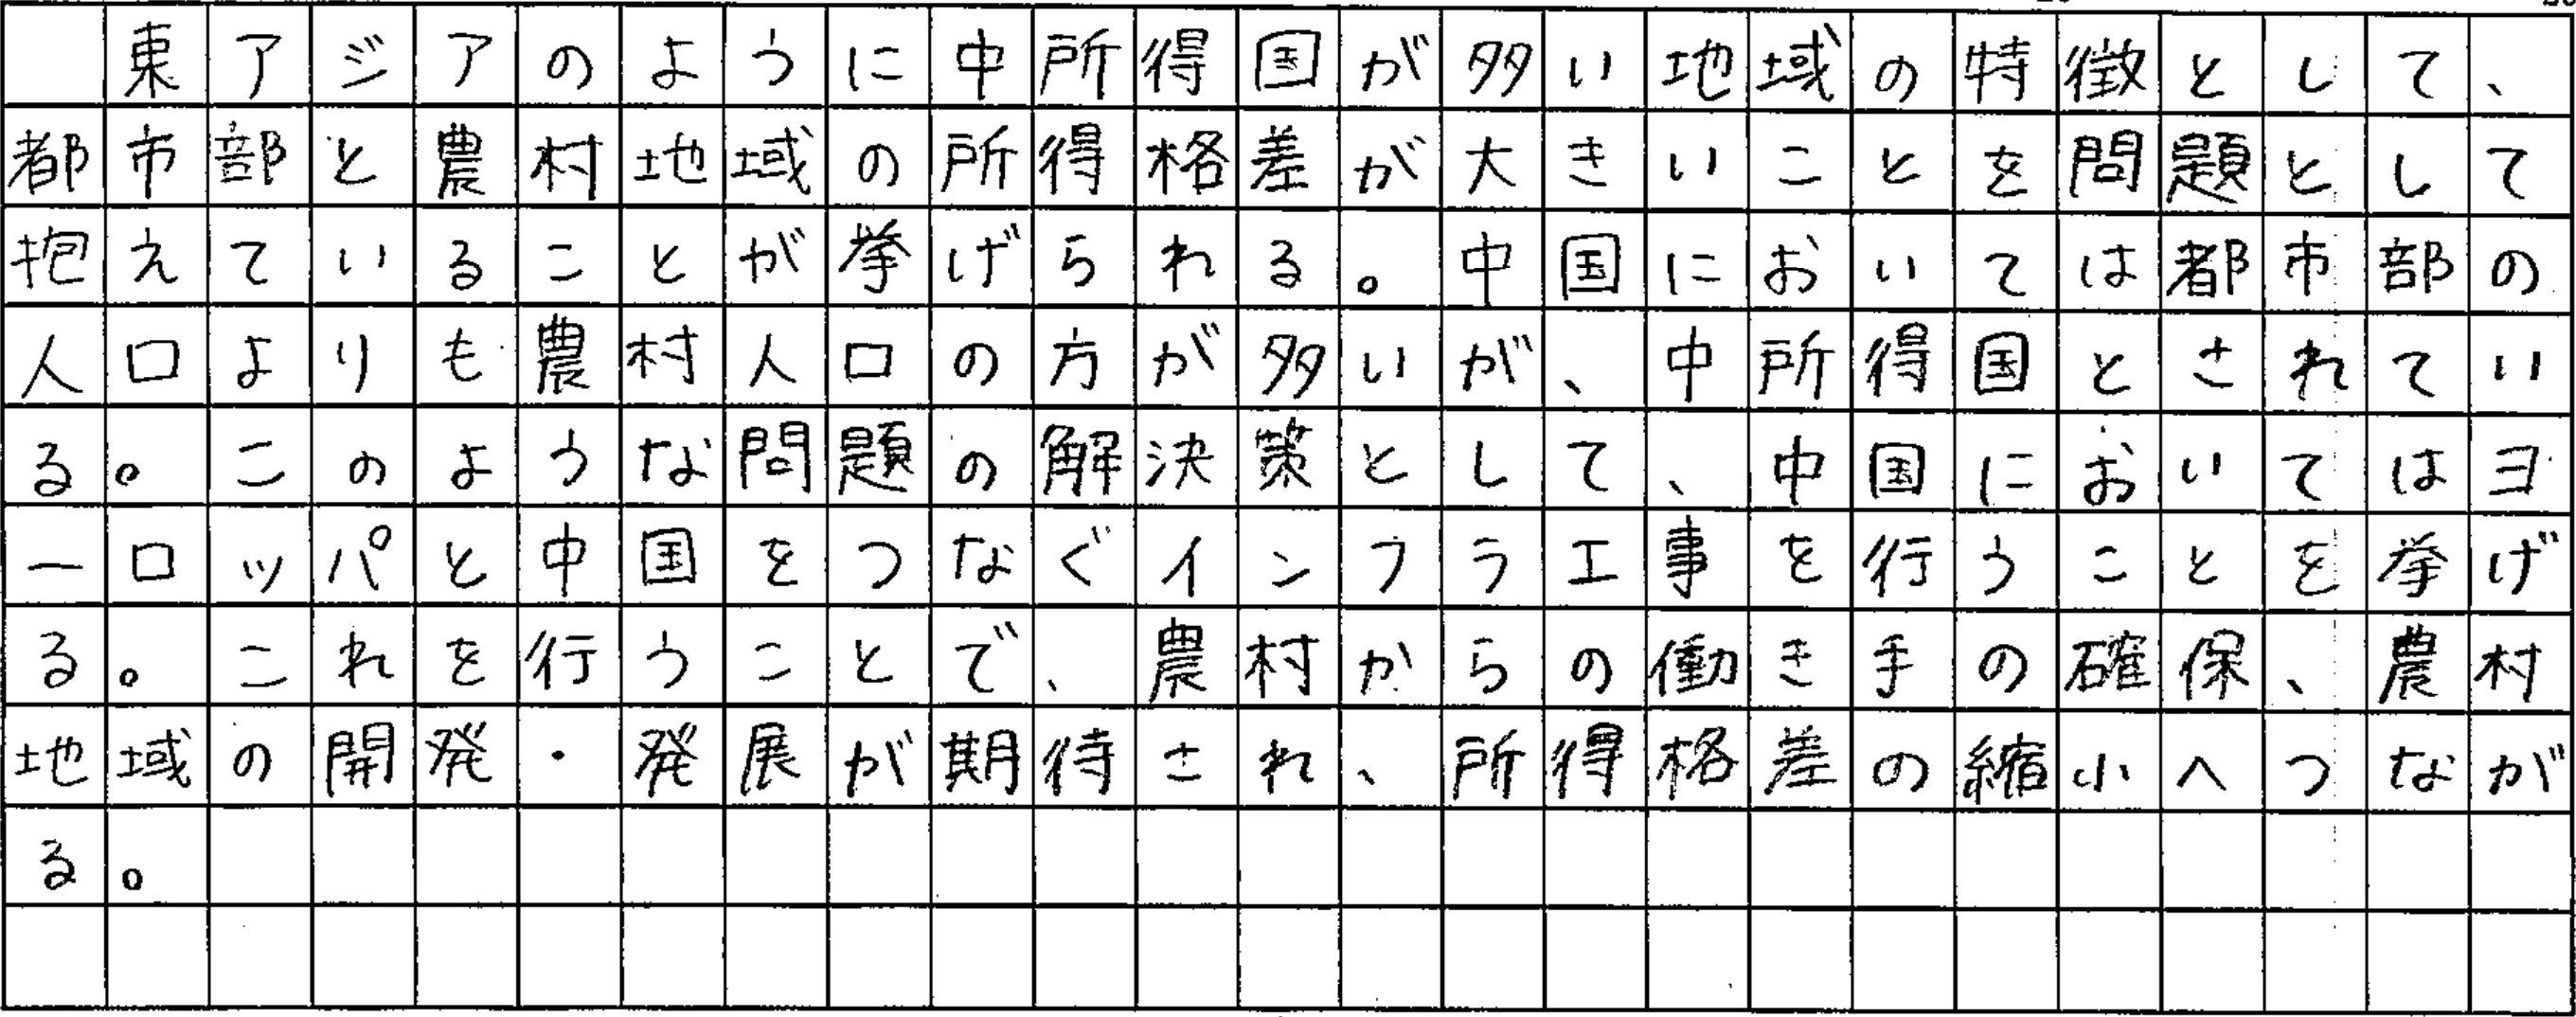　東アジアのように中所得国が多い地域の特徴として、都市部と農村地域の所得格差が大きいことを問題として抱えていることが挙げられる。中国においては都市部の人口よりも農村人口の方が多いが、中所得国とされている。このような問題の解決策として、中国においてはヨーロッパと中国をつなぐインフラ工事を行うことを挙げる。これを行うことで、農村からの働き手の確保、農村地域の開発・発展が期待され、所得格差の縮小へつながる。
